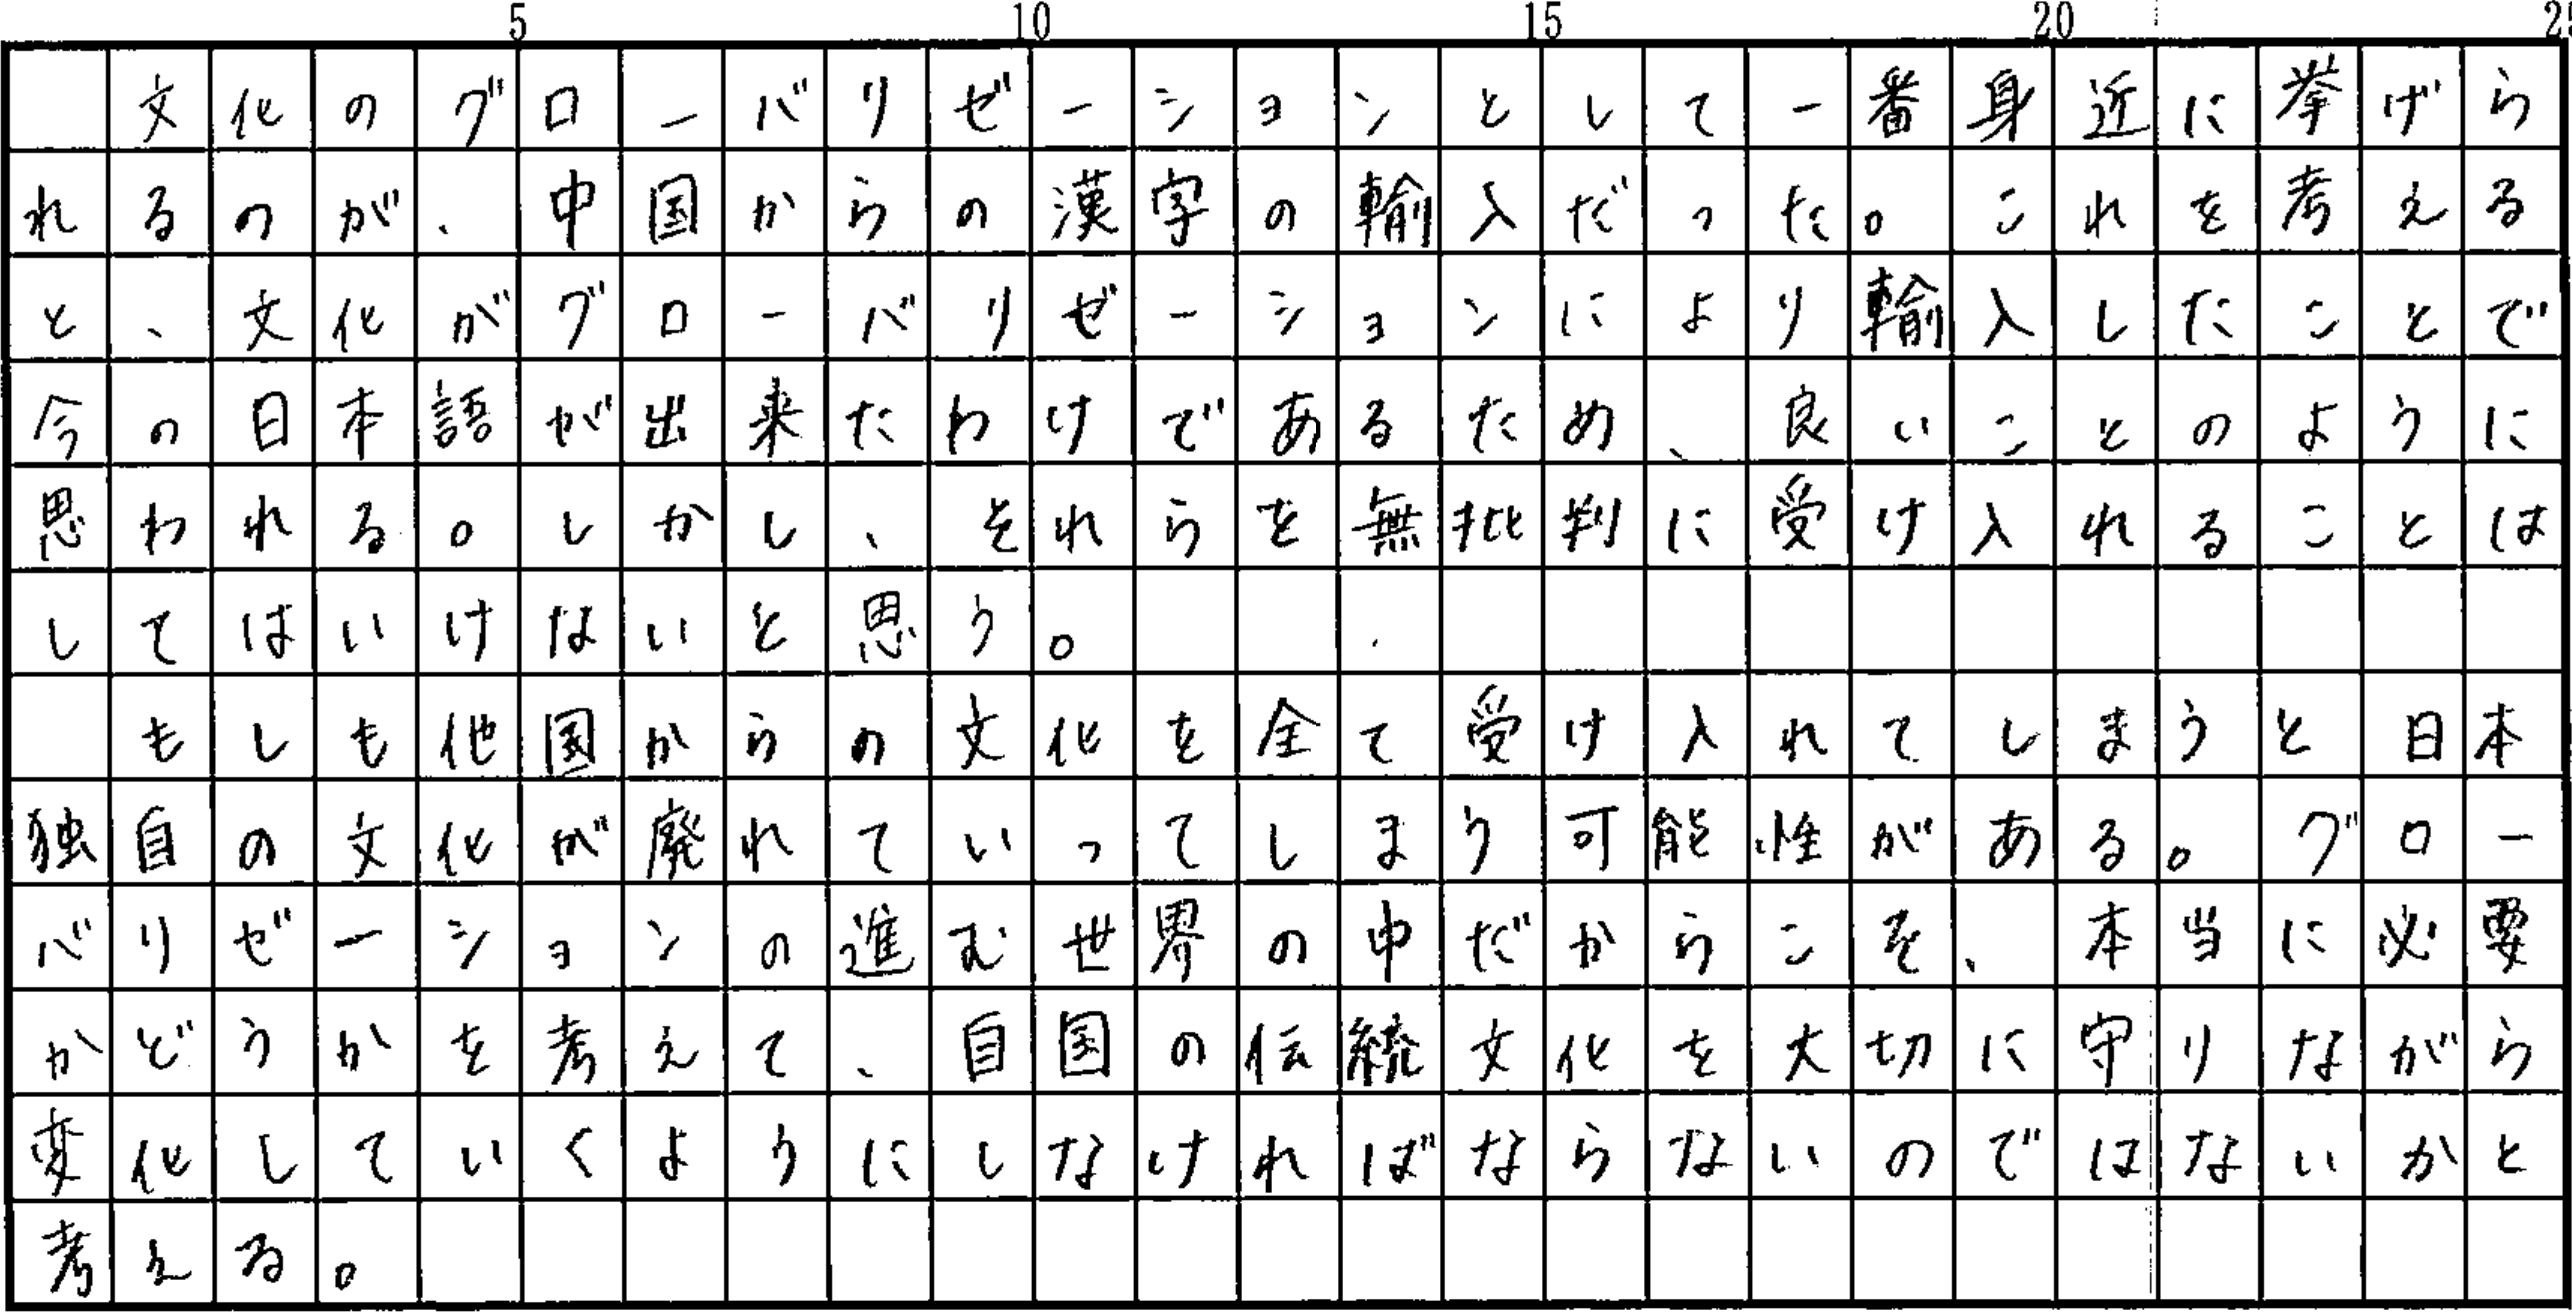　文化のグローバリゼーションとして一番身近に挙げられるのが、中国からの漢字の輸入だった。これを考えると、文化がグローバリゼーションにより輸入したことで今の日本語が出来たわけであるため、良いことのように思われる。しかし、それらを無批判に受け入れることはしてはいけないと思う。
　もしも他国からの文化を全て受け入れてしまうと日本独自の文化が廃れていってしまう可能性がある。グローバリゼーションの進む世界の中だからこそ、本当に必要かどうかを考えて、自国の伝統文化を大切に守りながら変化していくようにしなければならないのではないかと考える。
